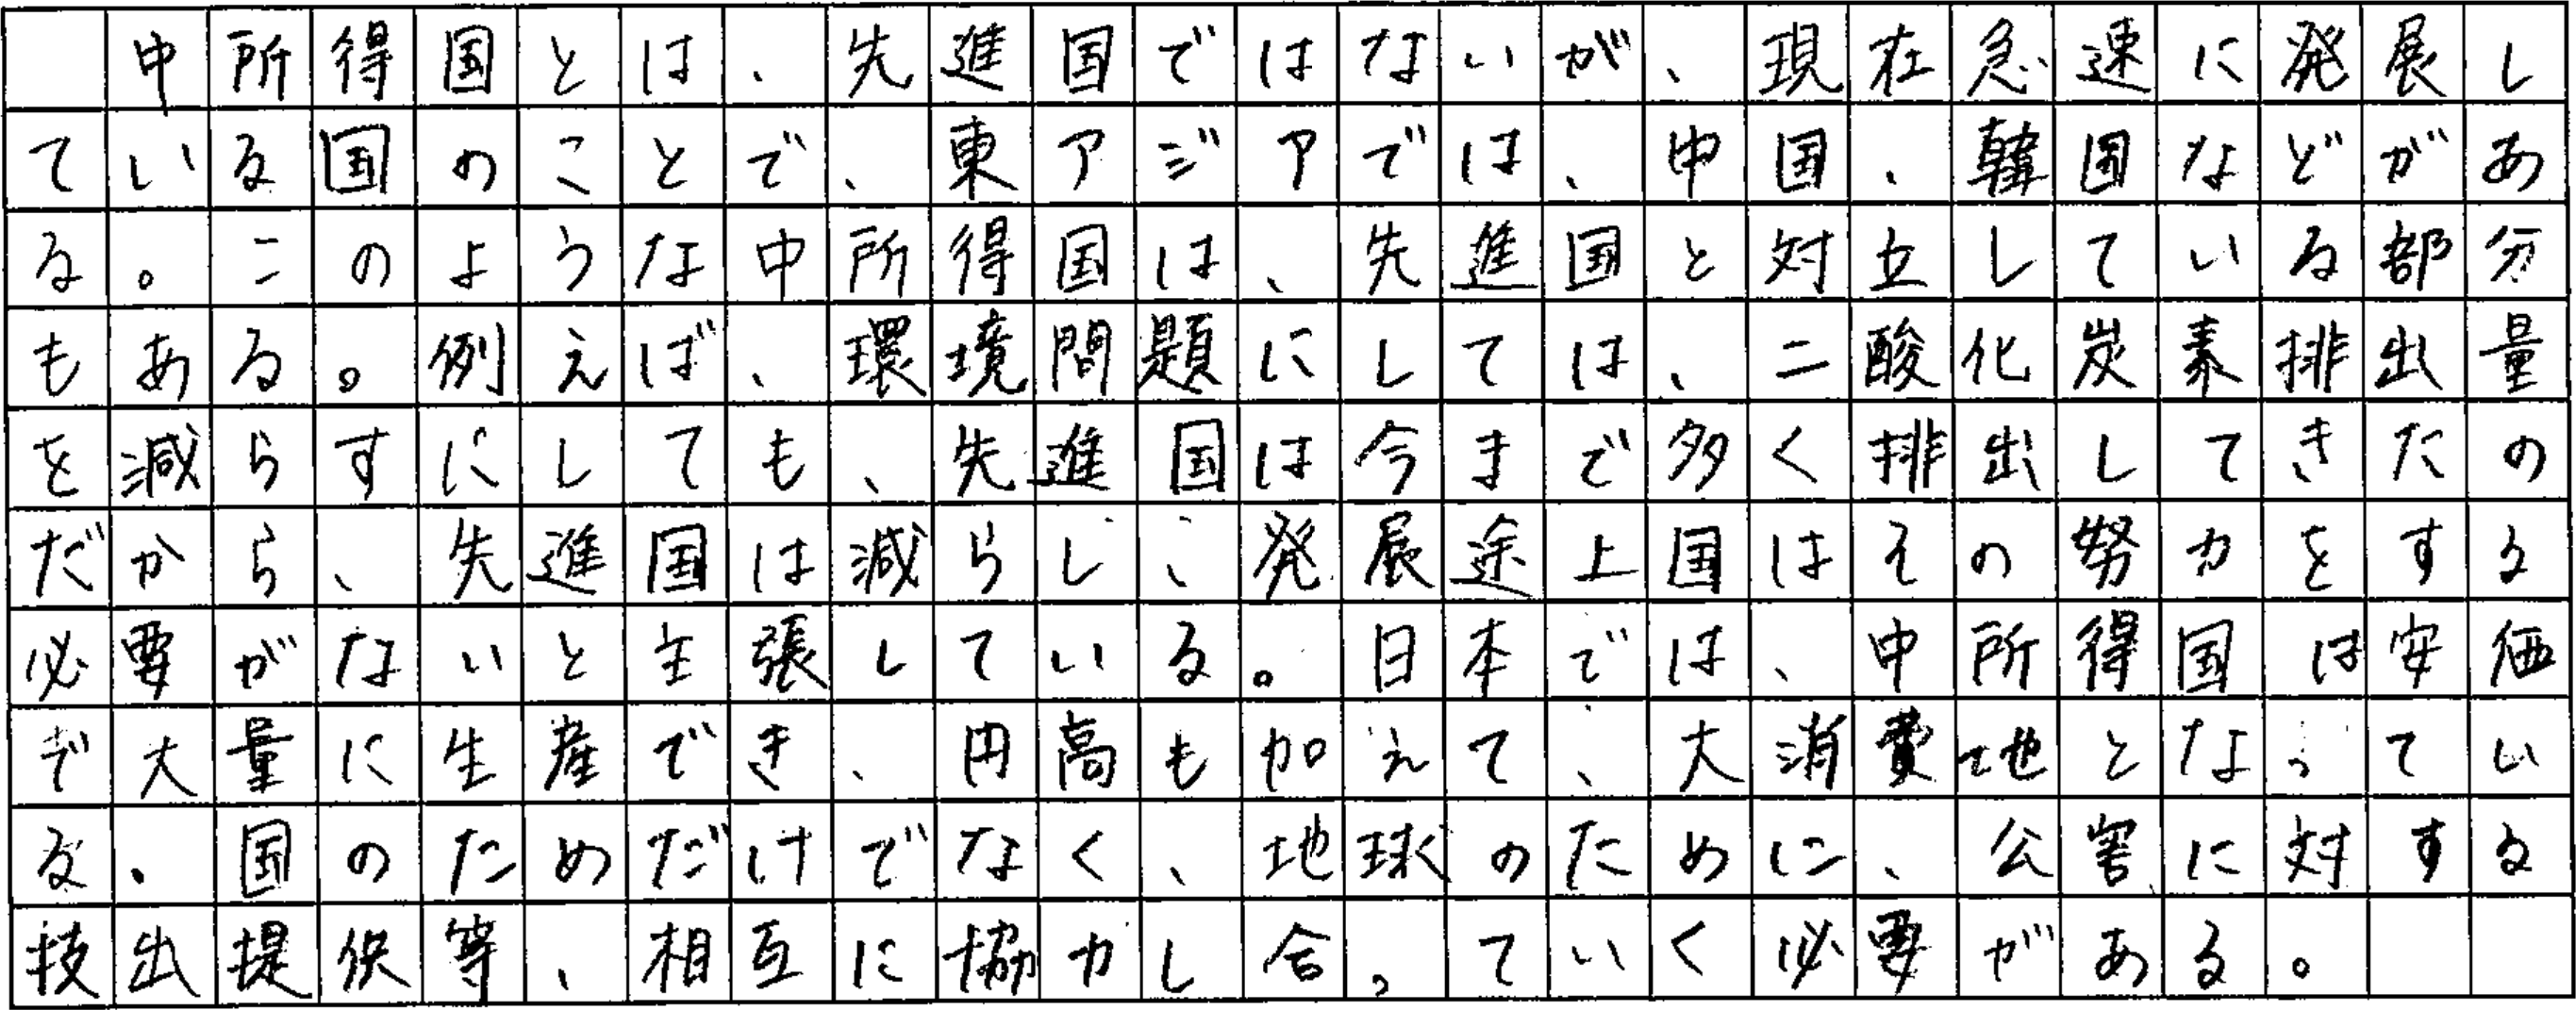　中所得国とは、先進国ではないが、現在急速に発展している国のことで、東アジアでは、中国、韓国などがある。このような中所得国は、先進国と対立している部分もある。例えば、環境問題にしては、二酸化炭素排出量を減らすにしても、先進国は今まで多く排出してきたのだから、先進国は減らし、発展途上国はその努力をする必要がないと主張している。日本では、中所得国は安価で大量に生産でき、円高も加えて、大消費地となっている。国のためだけでなく、地球のために、公害に対する技出提供等、相互に協力し合っていく必要がある。
